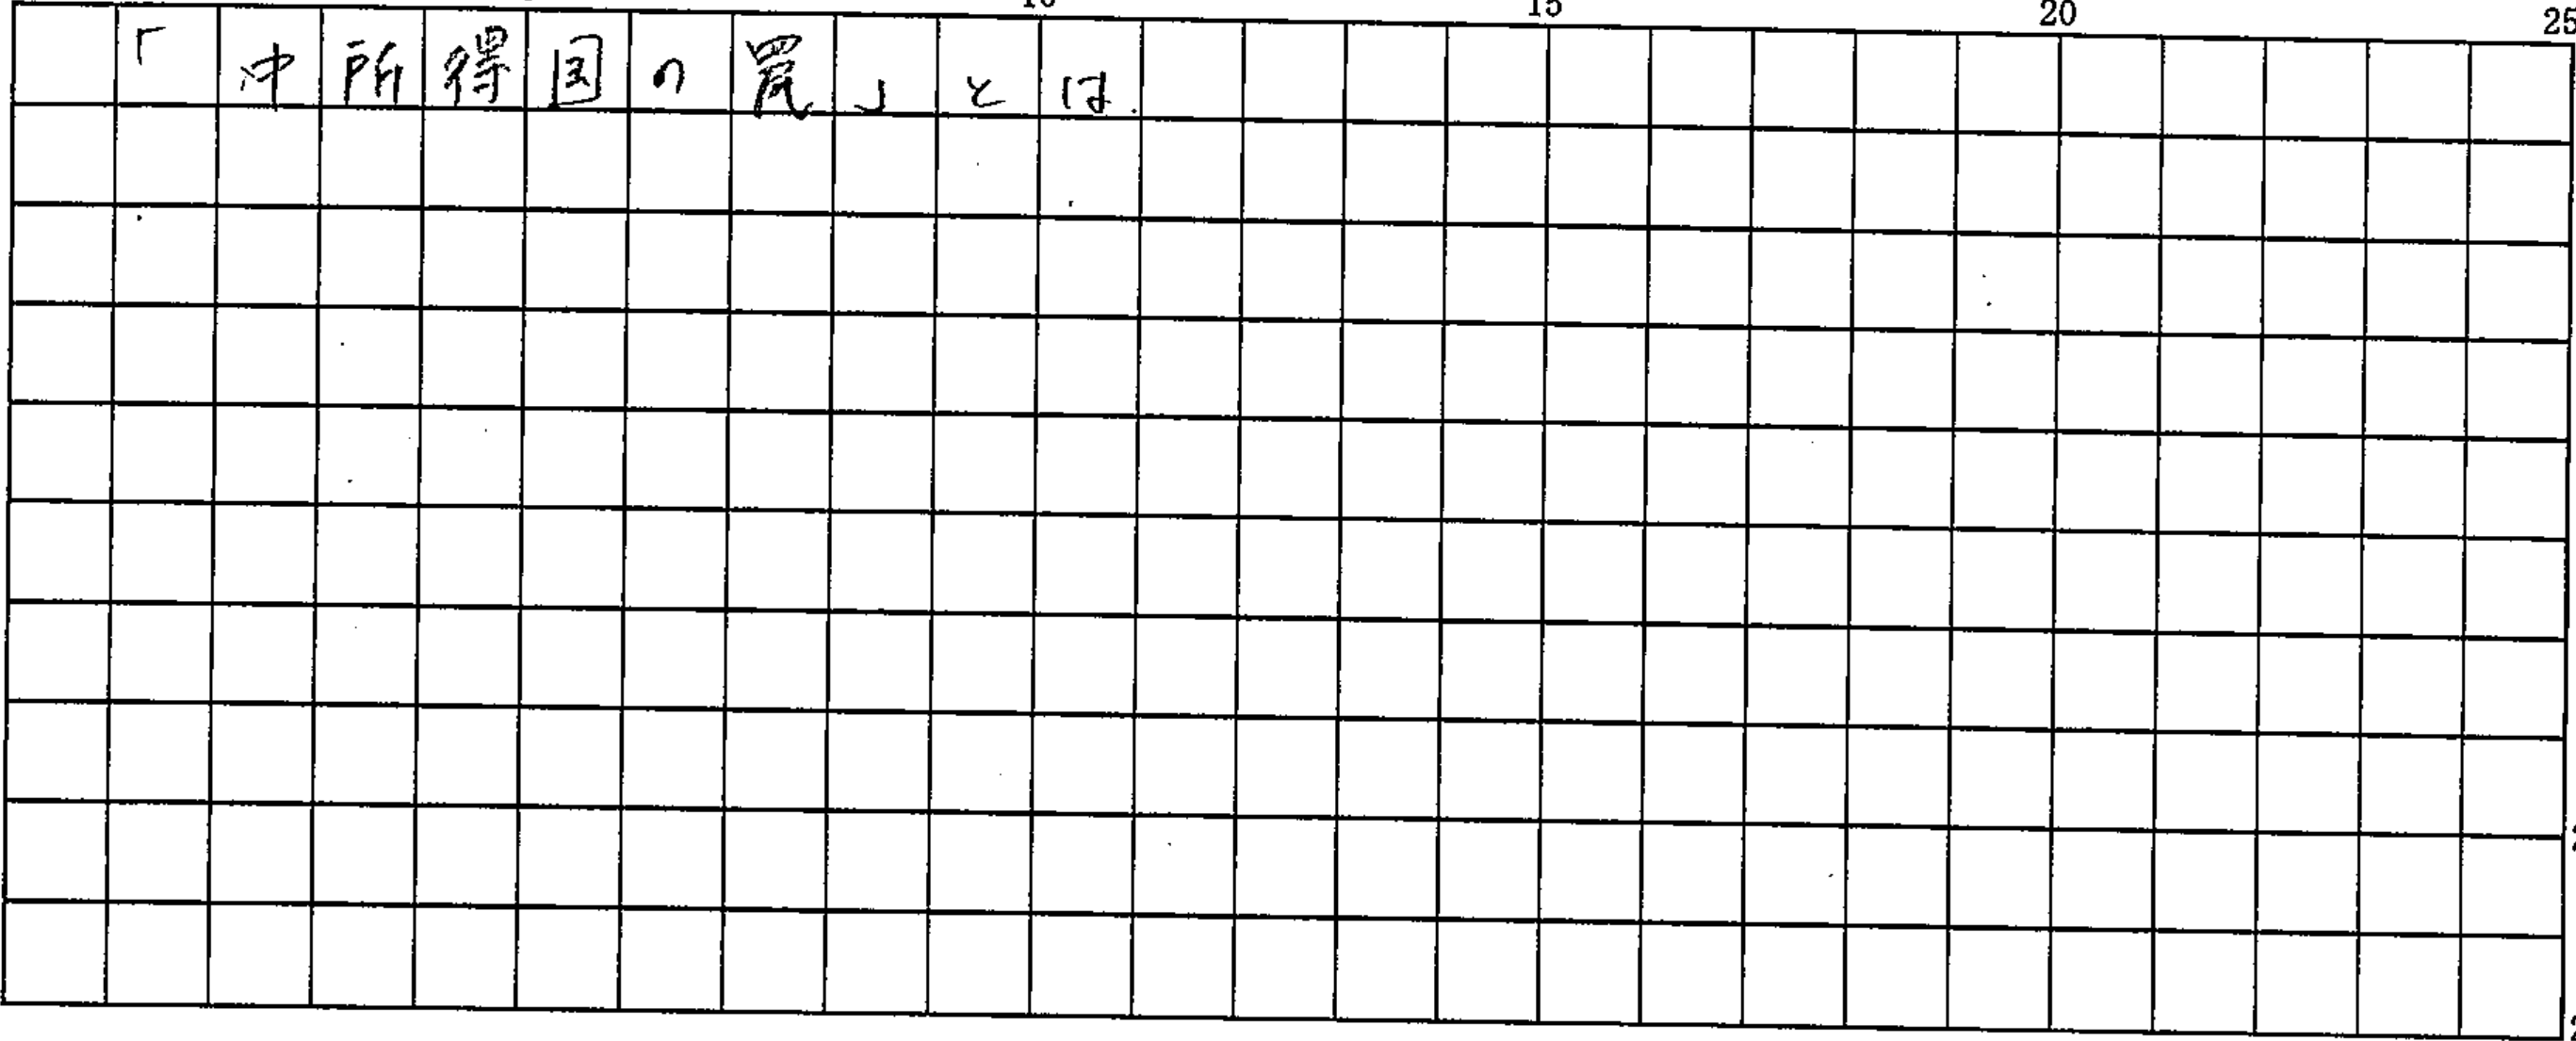　「中所得国の罠」とは
